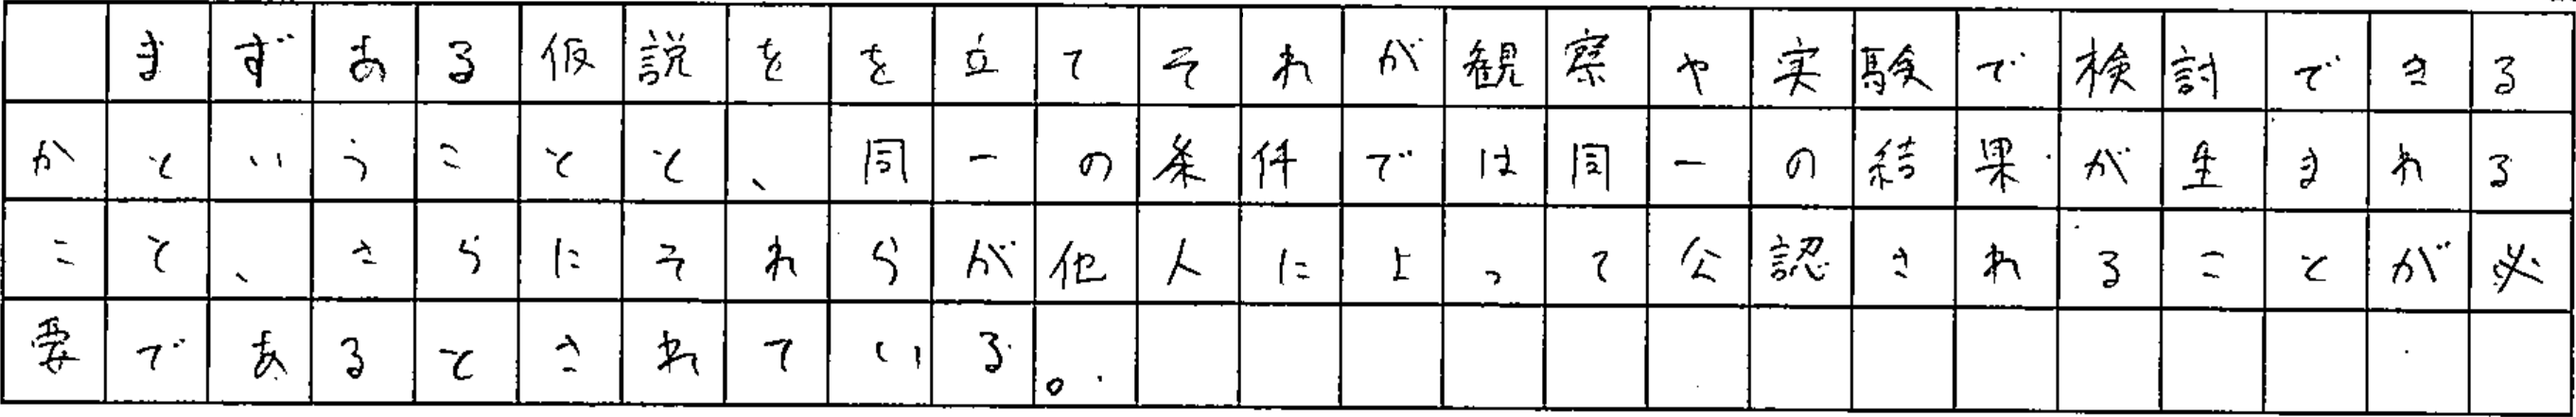　まずある仮説をを立てそれが観察や実験で検討できるかということと、同一の条件では同一の結果が生まれること、さらにそれらが他人によって公認されることが必要であるとされている。
